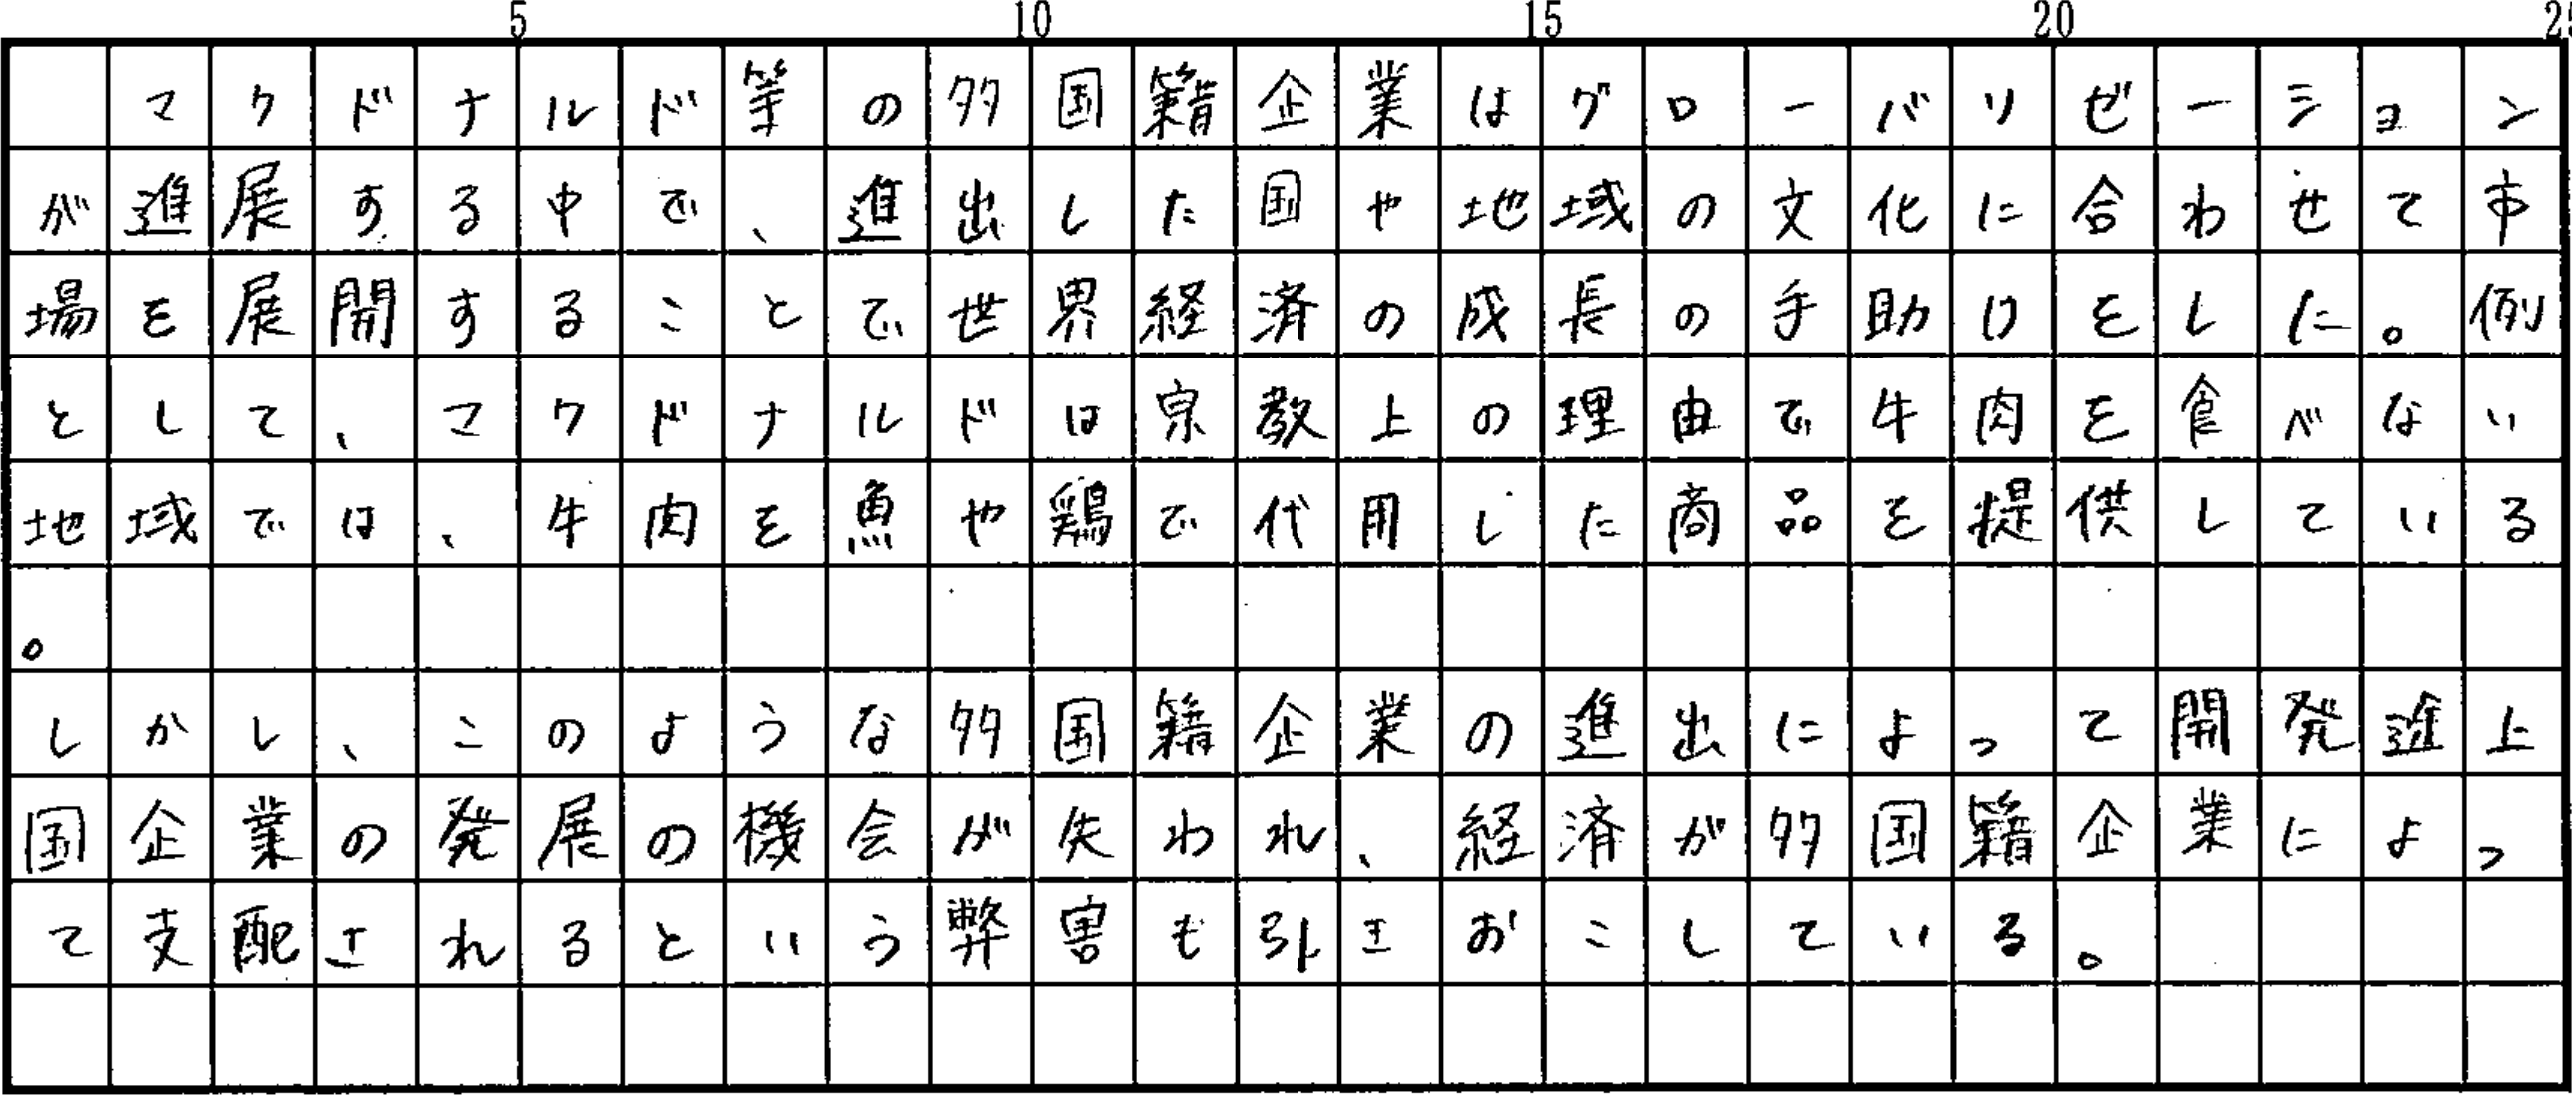　マクドナルド等の多国籍企業はグローバリゼーションが進展する中で、進出した国や地域の文化に合わせて市場を展開することで世界経済の成長の手助けをした。例として、マクドナルドは宗教上の理由で牛肉を食べない地域では、牛肉を魚や鶏で代用した商品を提供している。
しかし、このような多国籍企業の進出によって開発途上国企業の発展の機会が失われ、経済が多国籍企業によって支配されるという弊害も引きおこしている。
